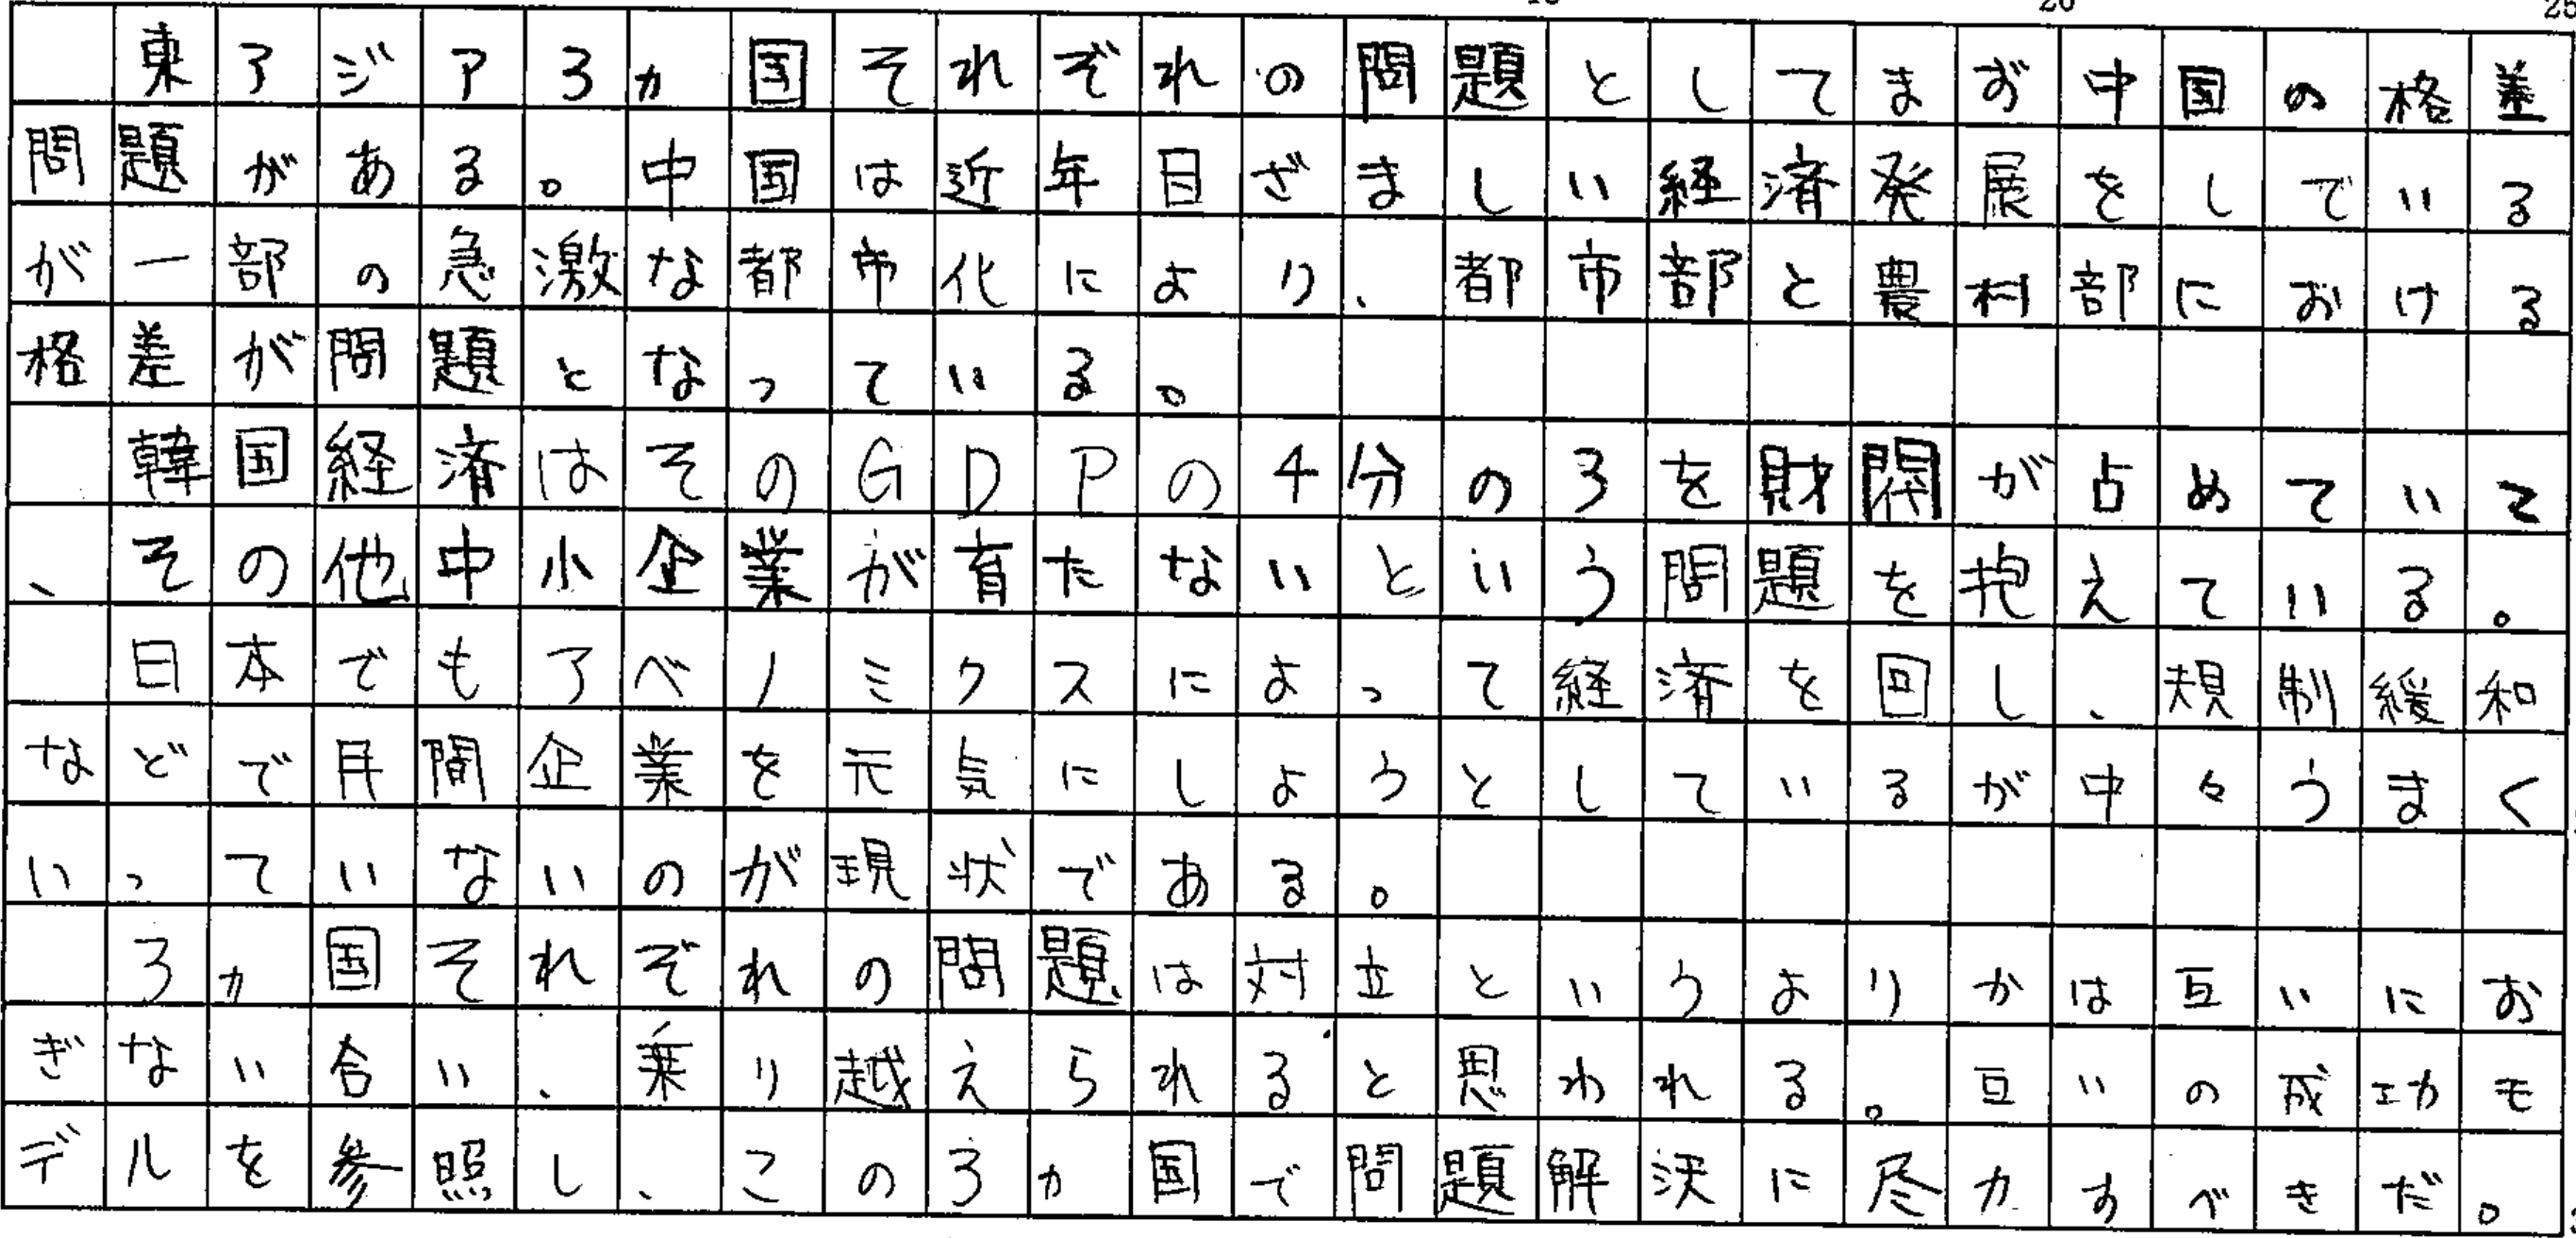　東アジア３ヵ国それぞれの問題としてまず中国の格差問題がある。中国は近年目ざましい経済発展をしているが一部の急激な都市化により、都市部と農村部における格差が問題となっている。
　韓国経済はそのＧＤＰの４分の３を財閥が占めていて、その他中小企業が育たないという問題を抱えている。
　日本でもアベノミクスによって経済を回し、規制緩和などで民間企業を元気にしようとしているが中々うまくいっていないのが現状である。
　３ヵ国それぞれの問題は対立というよりかは互いにおぎない合い、乗り越えられると思われる。互いの成功モデルを参照し、この３ヵ国で問題解決に尽力すべきだ。
